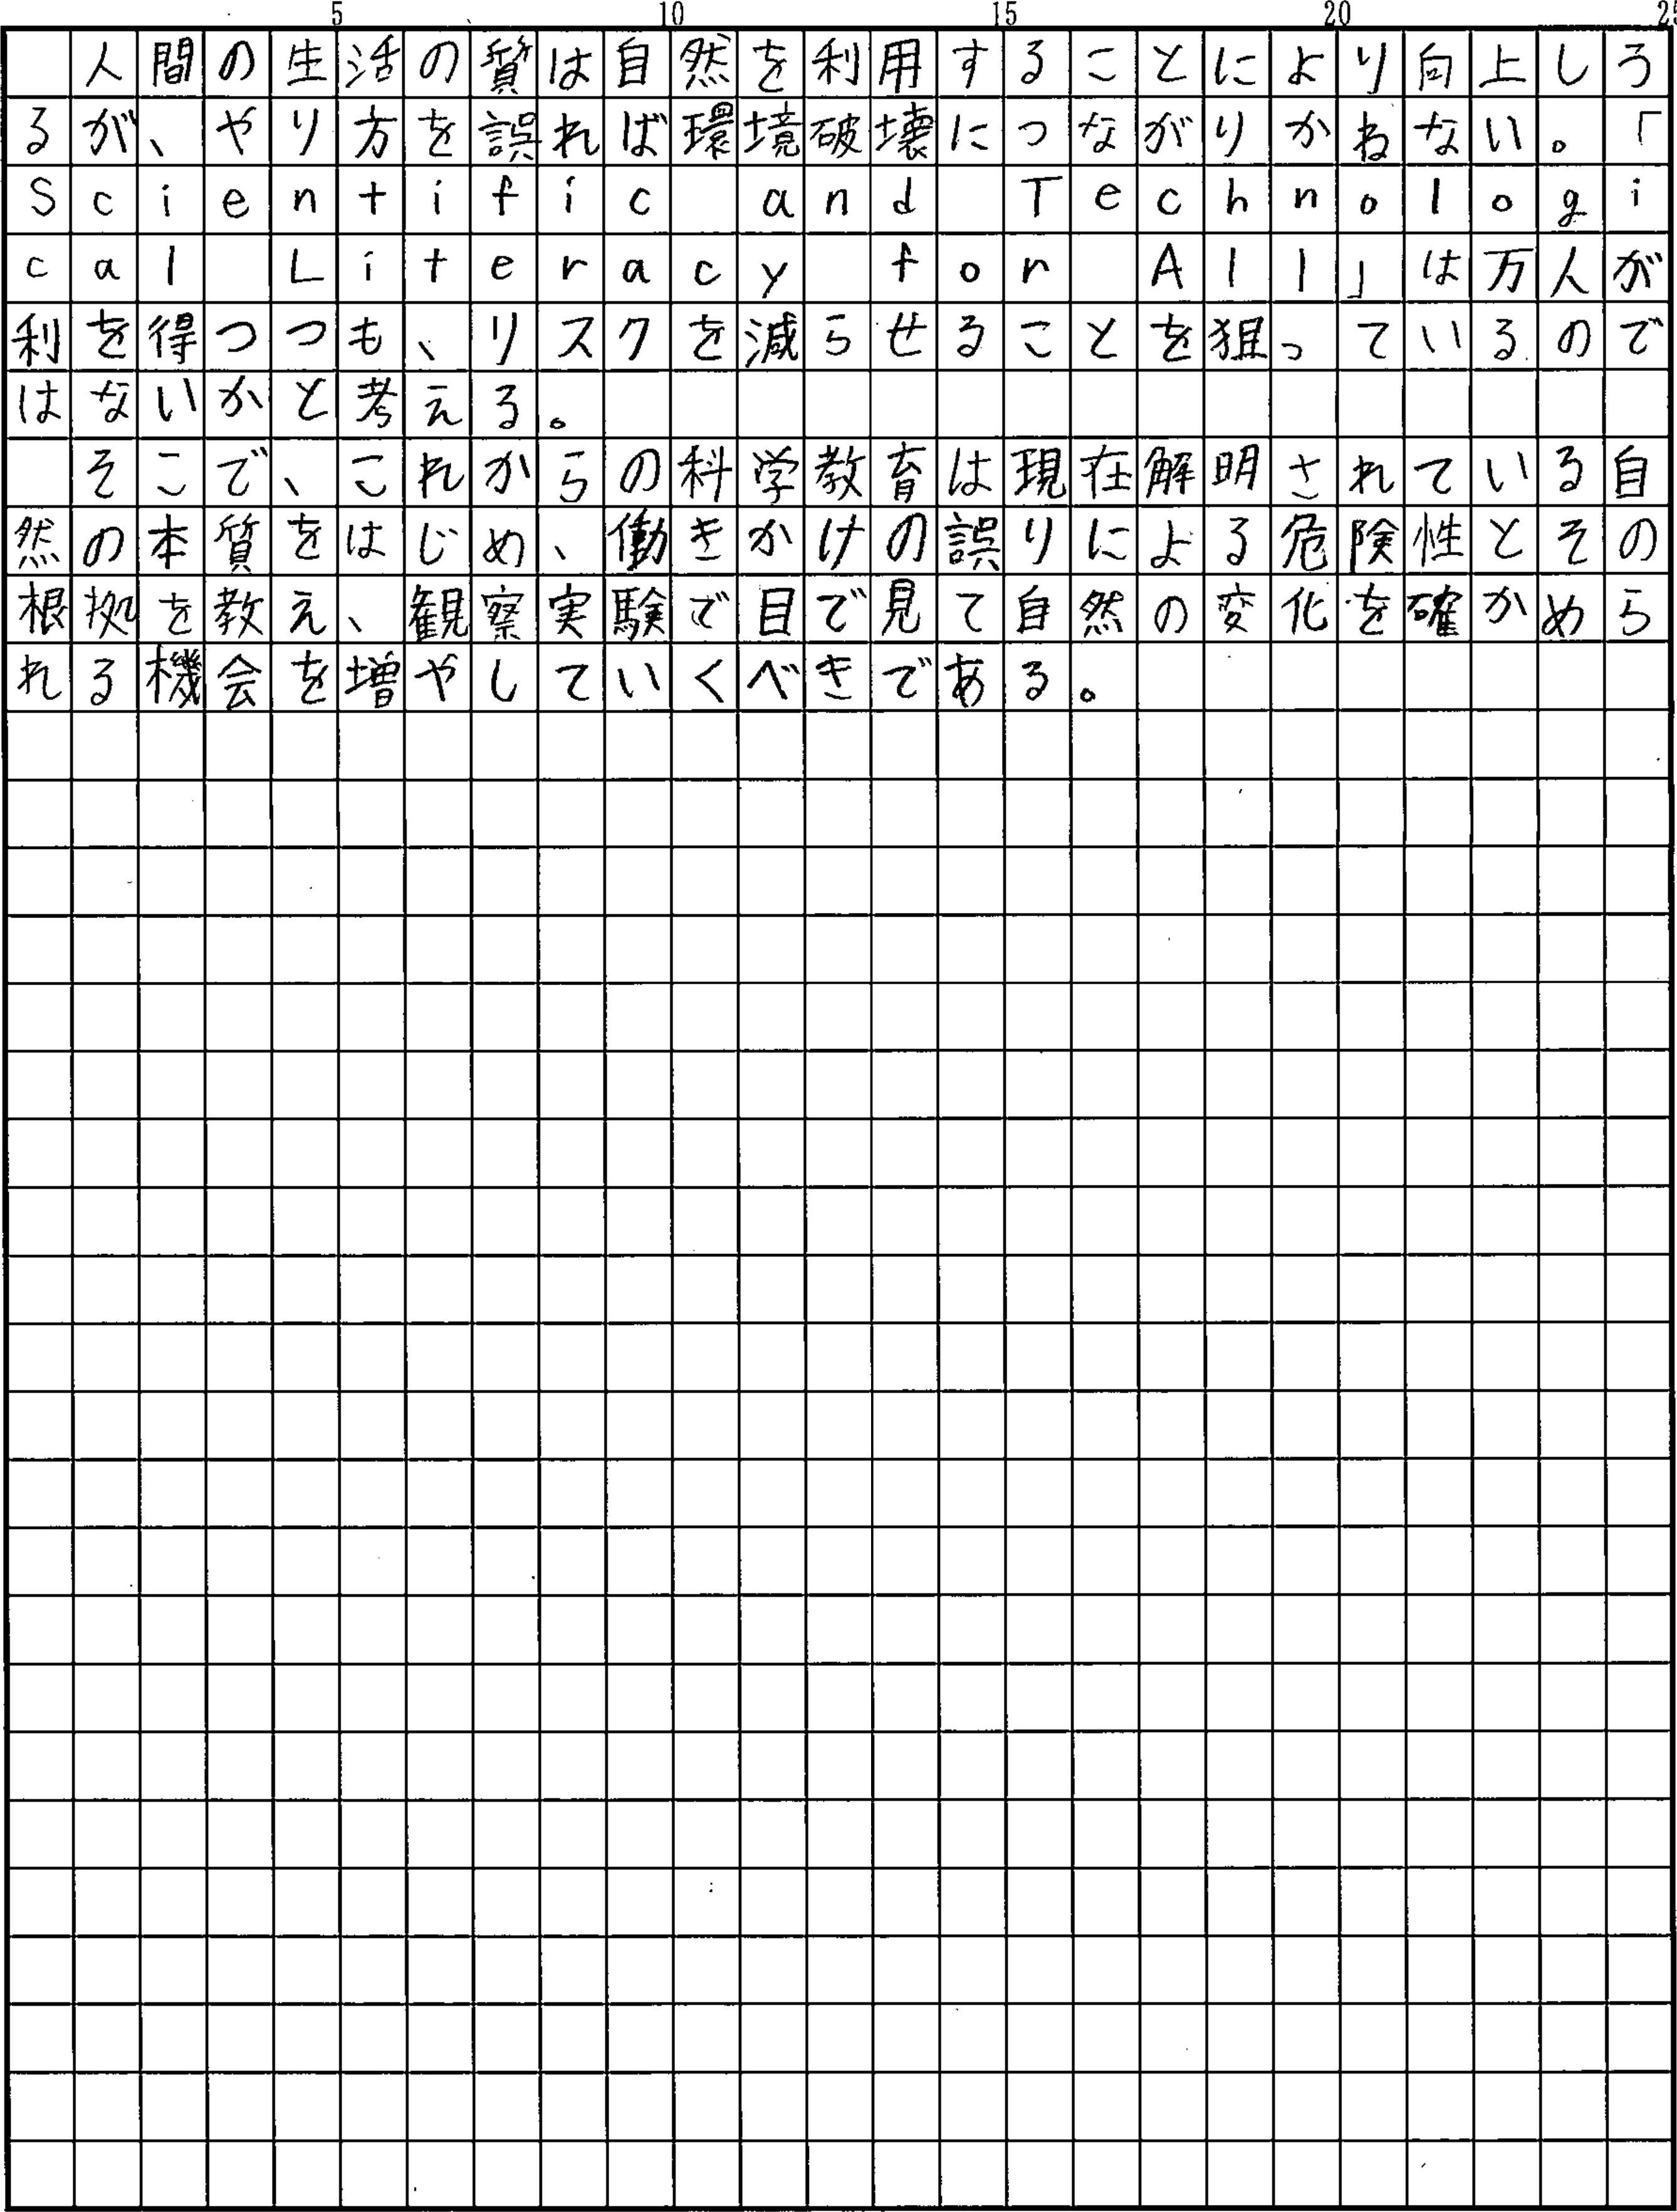　人間の生活の質は自然を利用することにより向上しうるが、やり方を誤れば環境破壊につながりかねない。「Ｓｃｉｅｎｔｉｆｉｃ　ａｎｄ　Ｔｅｃｈｎｏｌｏｇｉｃａｌ　Ｌｉｔｅｒａｃｙ　ｆｏｒ　Ａｌｌ」は万人が利を得つつも、リスクを減らせることを狙っているのではないかと考える。
　そこで、これからの科学教育は現在解明されている自然の本質をはじめ、働きかけの誤りによる危険性とその根拠を教え、観察実験で目で見て自然の変化を確かめられる機会を増やしていくべきである。
